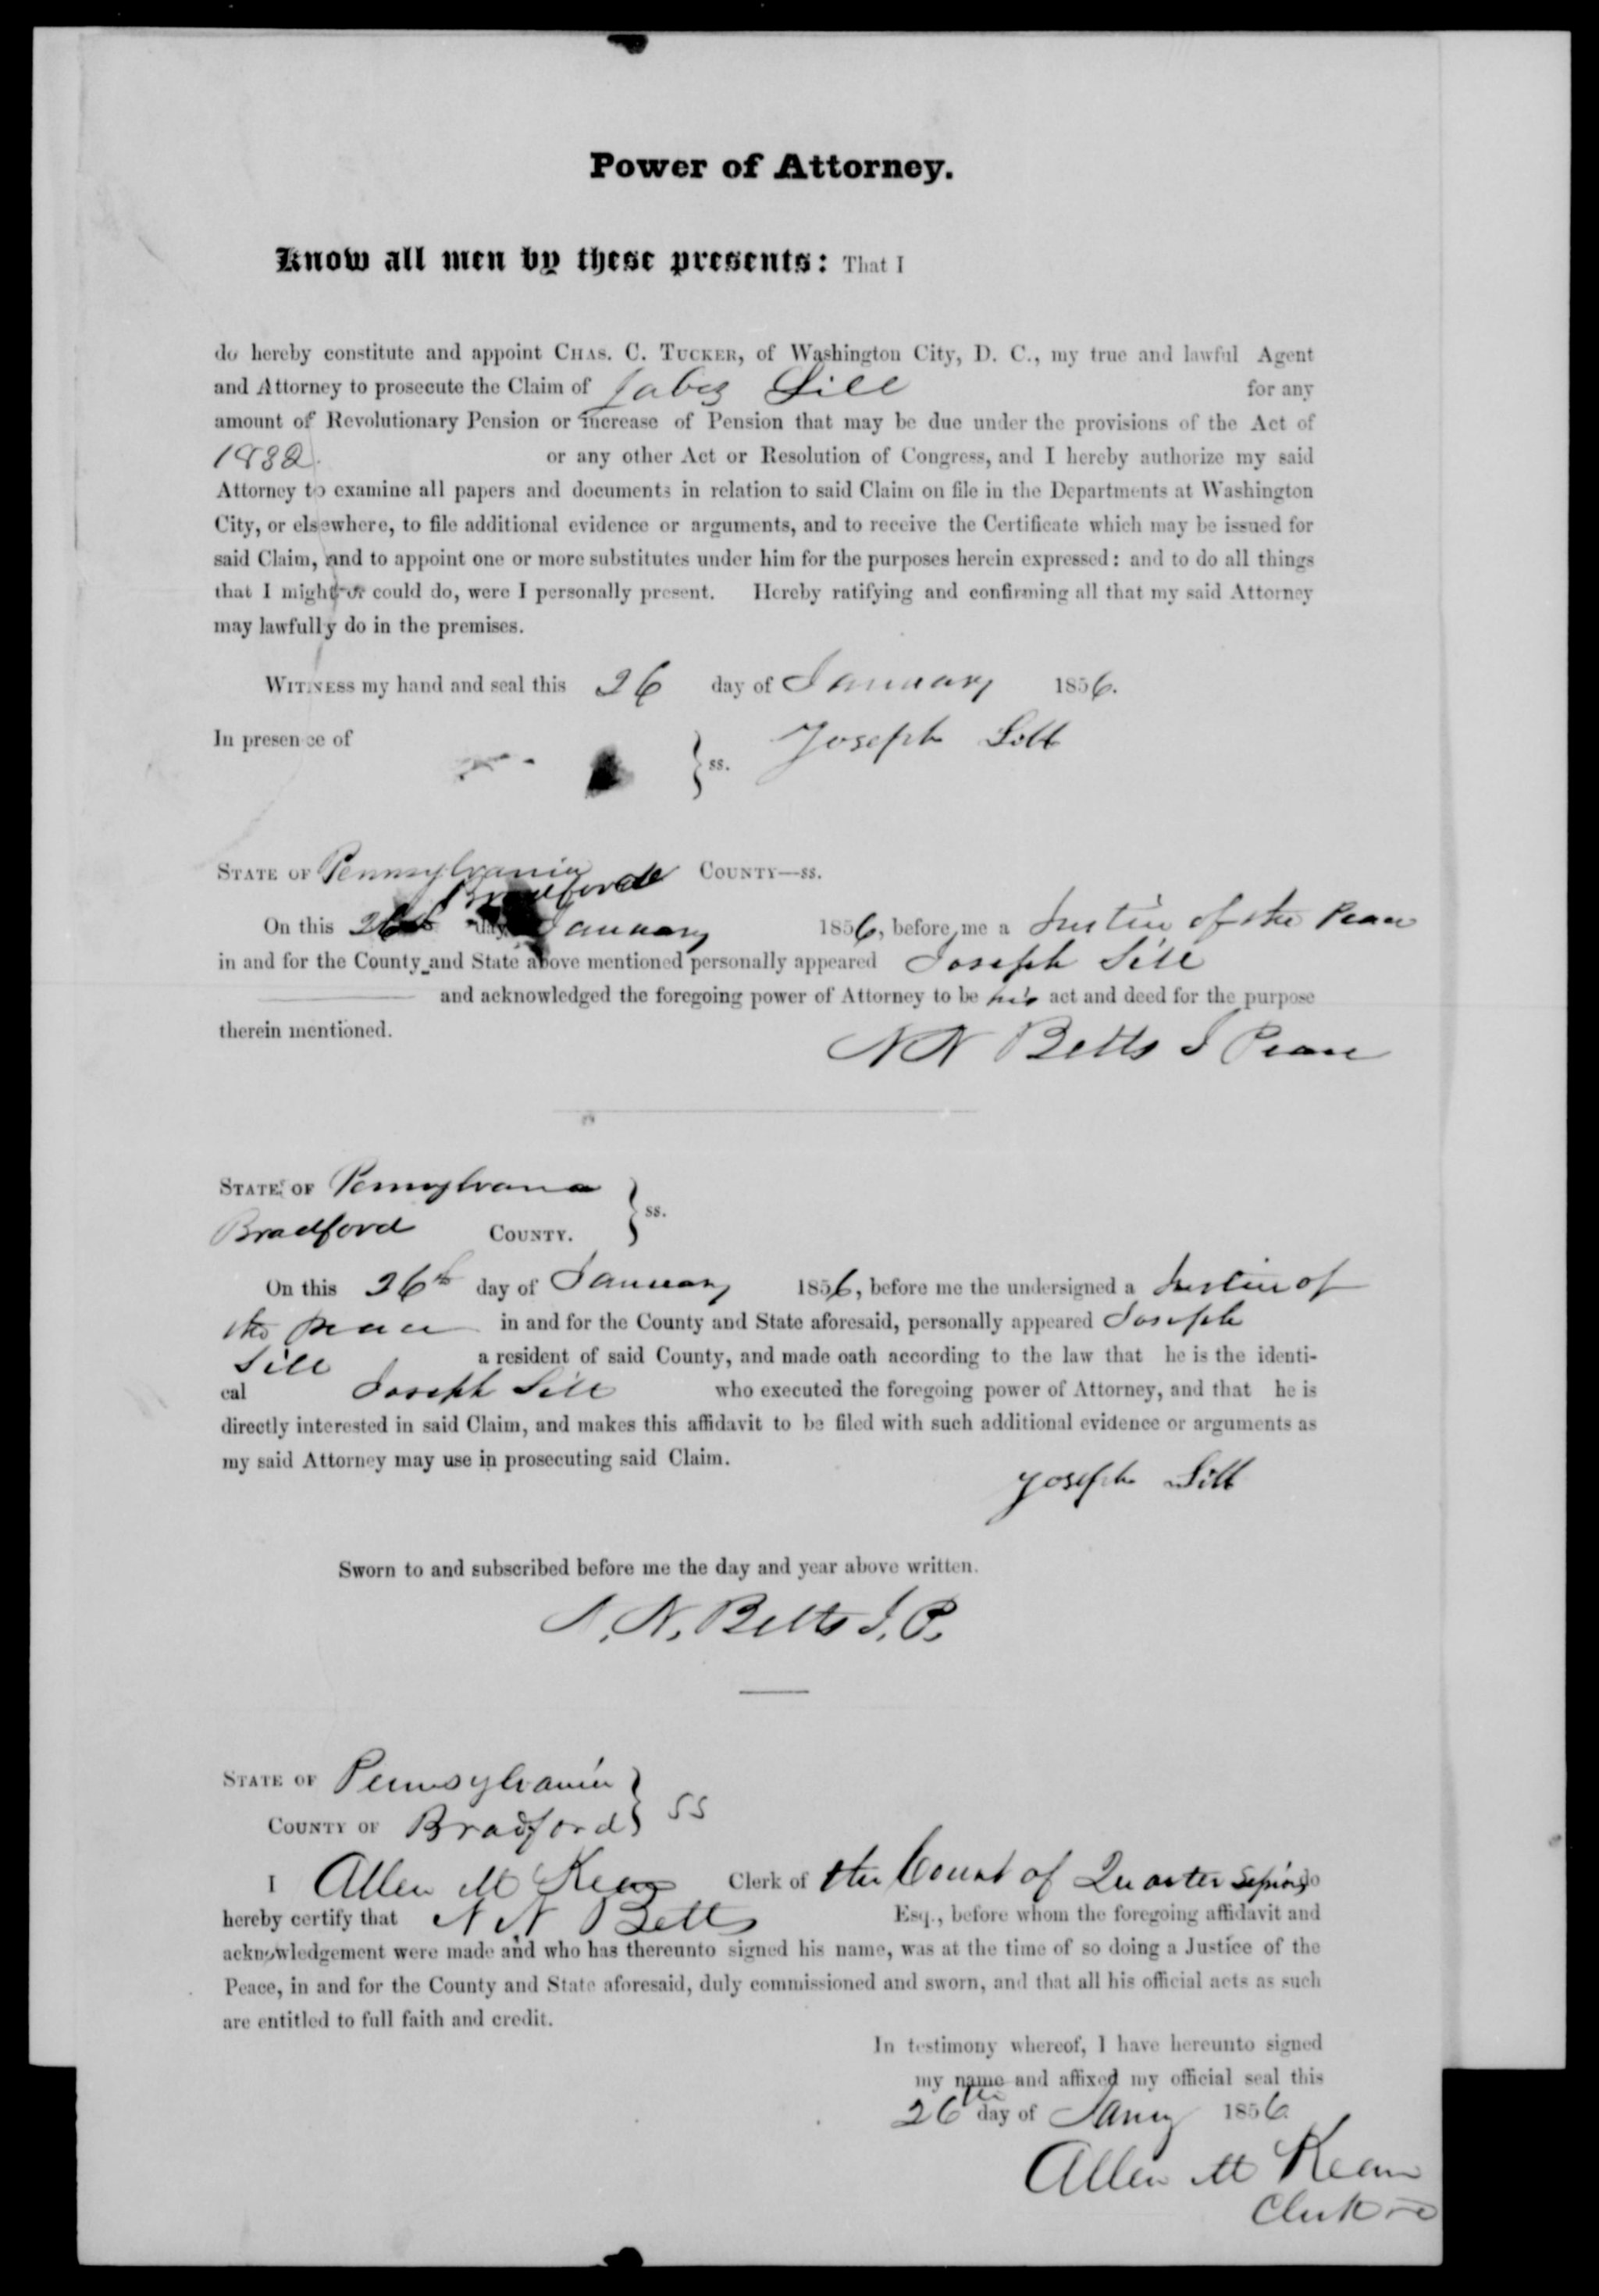State of Pennsylvania    Wilford County --- SS.

On this 26th day of January 1836, before me a Justice of Peace in and for the County and State above mentioned personally appeared Joseph Jill and acknowledged the foregoing power of Attorney to be his act and deed for the purpose therein mentioned.   [Signed]  N N Betts J Peace

State of Pennsylvania
Bradford County} SS.

On the 26th day of January 1836, before me the undersigned a Justice of the Peace in and for the County and State aforesaid, personally appeared Joseph Sill as resident of said County, and made oath according to the law that he is the identical Joseph Sill who executed the foregoing power of Attorney, and that he is directly interested in said Claim, and makes this affidavit to be filed with such additional evidence or arguments as my said Attorney may use in presenting said Claim.    
                             [Signed]  Joseph Sill

    Sworn to and subscribed before me the day and year above written
                              [Signed]   N N Betts J. P.

State of Pennsylvania
County of Bradford} SS

I Allen M. Kean  Clerk of the Court of Quarter Sepin do hereby certify that N.N. Betts Esq, before whom the foregoing affidavit and acknowledgement were made and who has thereto signed his name, was at the time of so doing a Justice of the Peace, in and for said County and State aforesaid,  duly commissioned and sworn, and that all of his official acts as each are entitled to full faith and credit.

   In testimony whereof, I have hereto signed my name and affixed my official seal this 26th day of January 1836.

                          [Signed]  Allen M. Keans 
                                                        Clerk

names: N N Betts; Joseph Sill; Joseph Sill; N N Betts; Jabez Sill; Allen Mckean; Joseph Sill; N N Betts; Joseph Lobb; Allen Mckean; Jabez Sill; Joseph Sill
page: 11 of 29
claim: rejected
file: R. 9570, for Jabez Sill, Connecticut